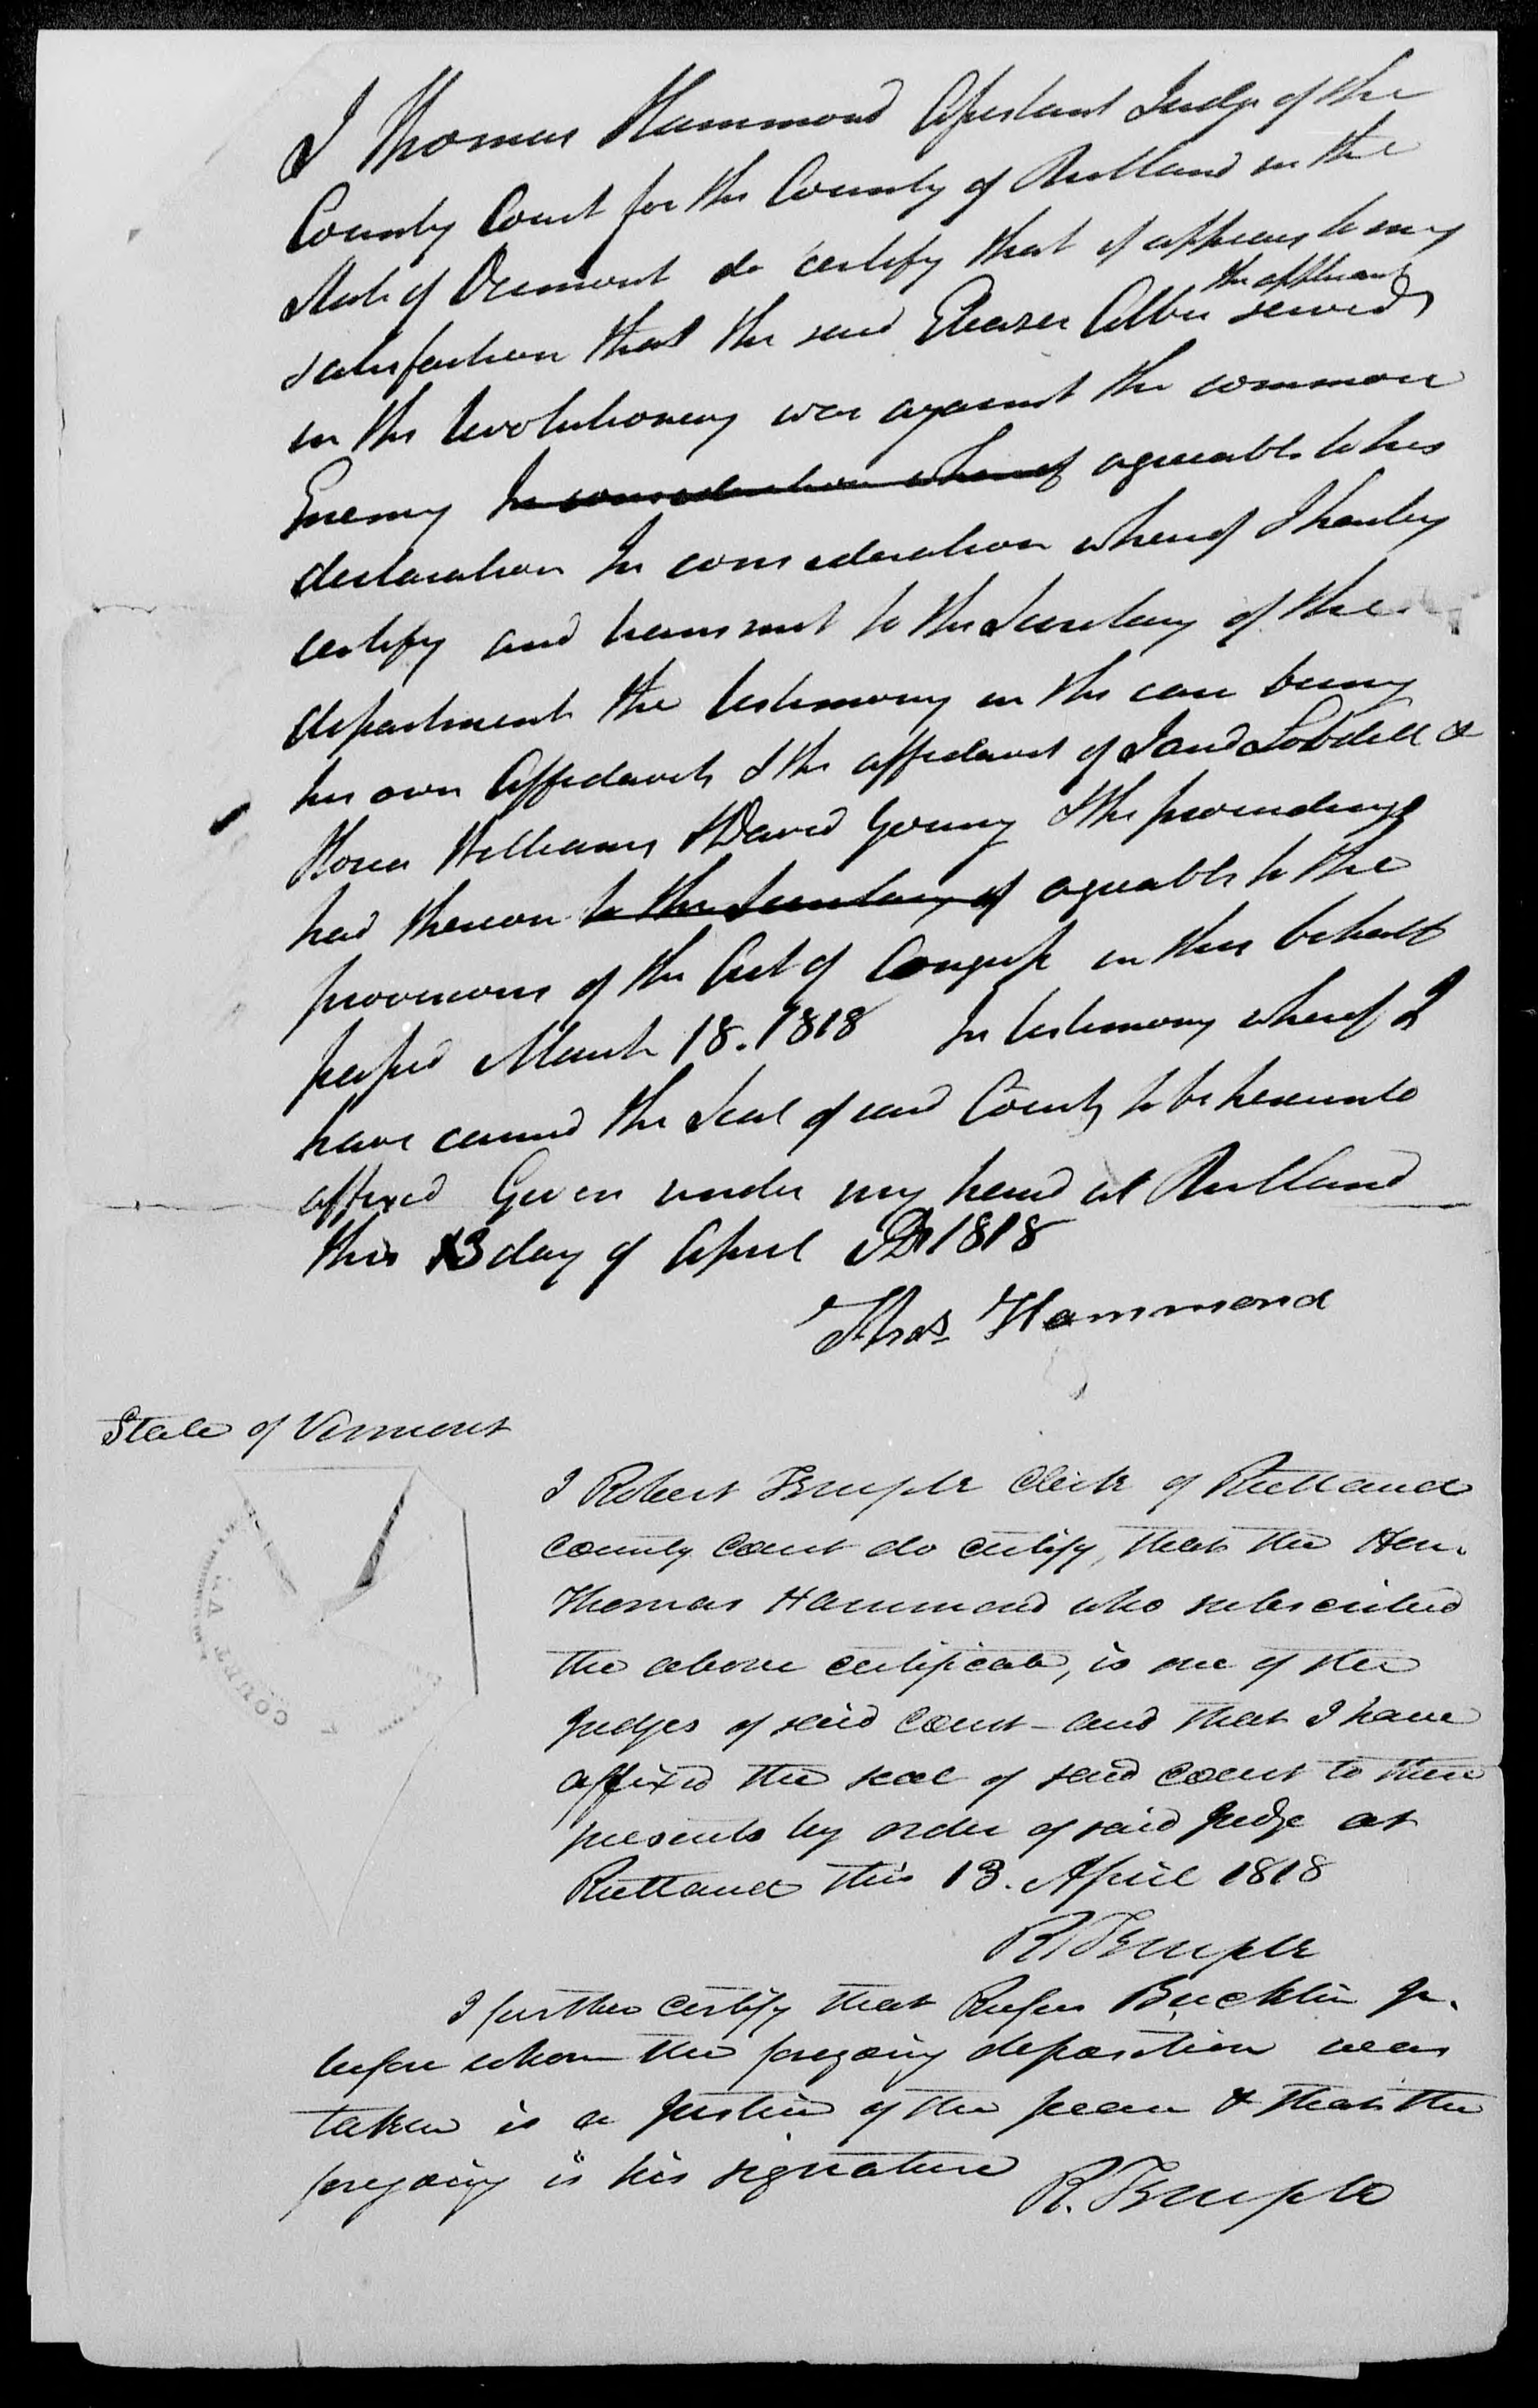I Thomas Hammond Assistant Judge of the County Court  for the County of Rutland in the State of Vermont do certify that it appears to my satisfaction that the said Eleazer Albee the applicant servied in the Revolutionary war against the common enemy agreeable to his declaration In ? whereof I hereby certify and transmit to the Secretary of the War department the testimony in the case being his own affidavit and the affidavits of Samuel Lobdell and Hosea Williams and David Young the  ? has shown agreeable to the provisions of the Act of Congress on their behalf passed March 18, 1818.  

In testimony whereof I have caused the Seal of said County to be hereunto affixed.

Given under my hand at Rutland this 13 day of April AD 1818.

Thomas Hammond

I Robert Temple Clerk of the Rutland  County Court do certify that the Hon. Thomas Hammond who subscribed the above certificate is one of the Judges of said Court - and that I have affixed the seal of said Court to these presents by order of said Judge at Rutland this 13 April 1818.

R. Temple

I further certify that Rufus Bucklin before whom the foregoing deposition was taken is a Justice of the Peace and that the foregoing is his signature

R. Temple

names: Eleazer Albee, Thos Hammond, Thomas Hammond, R Temple, Hosea Williams, R Temple, Rufus Bucklin, Thomas Hammond, David Young, Robert Temple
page: 18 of 29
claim: survivor's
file: S 41404, Eleazer John Albee, Mass. Privateer